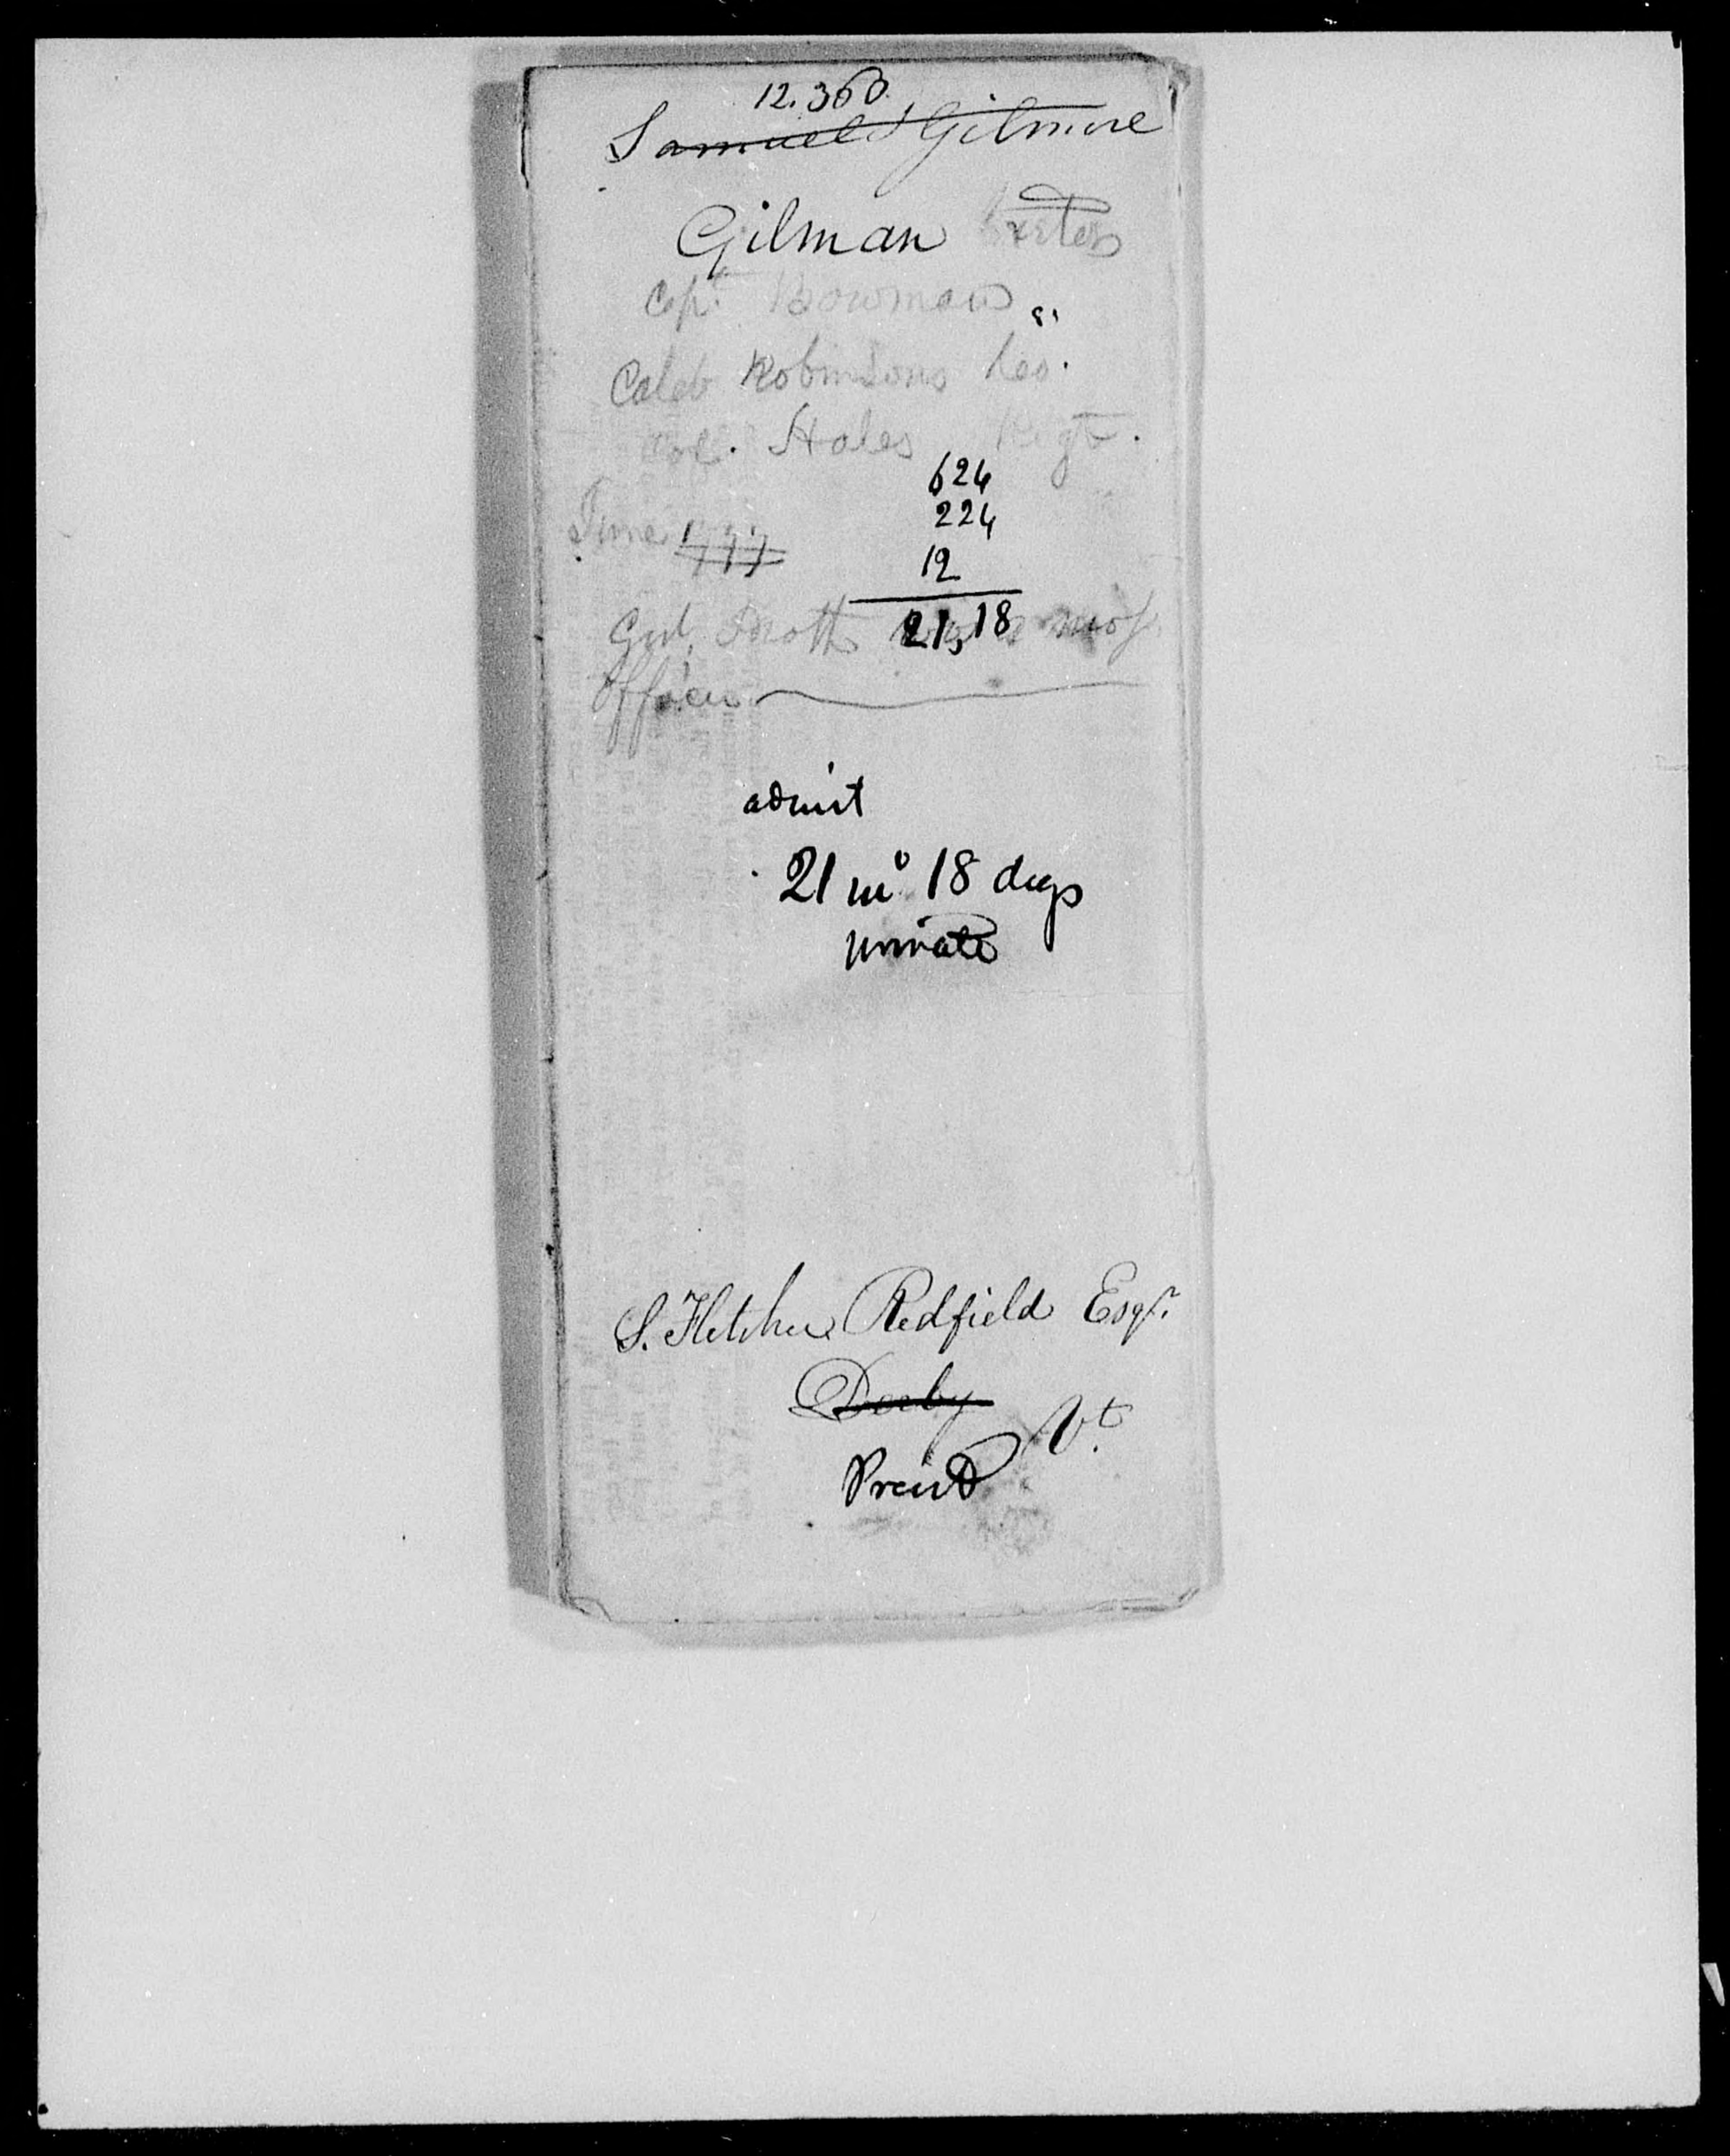12,360
Gilman Exeter
Capt. Bowman
Caleb Robinsons Co.
Col. Hales Regt.
June
626
224
12
21,18
Genl. Proth von [illegible]
officer
admit
21 mo. 18 days
private

S. Fletcher Redfield Esqr.
Present
Vt.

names: Bowman, S Fletcher Redfield, Samuel T Gilman, Gilman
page: 43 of 61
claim: widow's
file: W. 19500, Samuel Thing Gilman, Continental N.H.